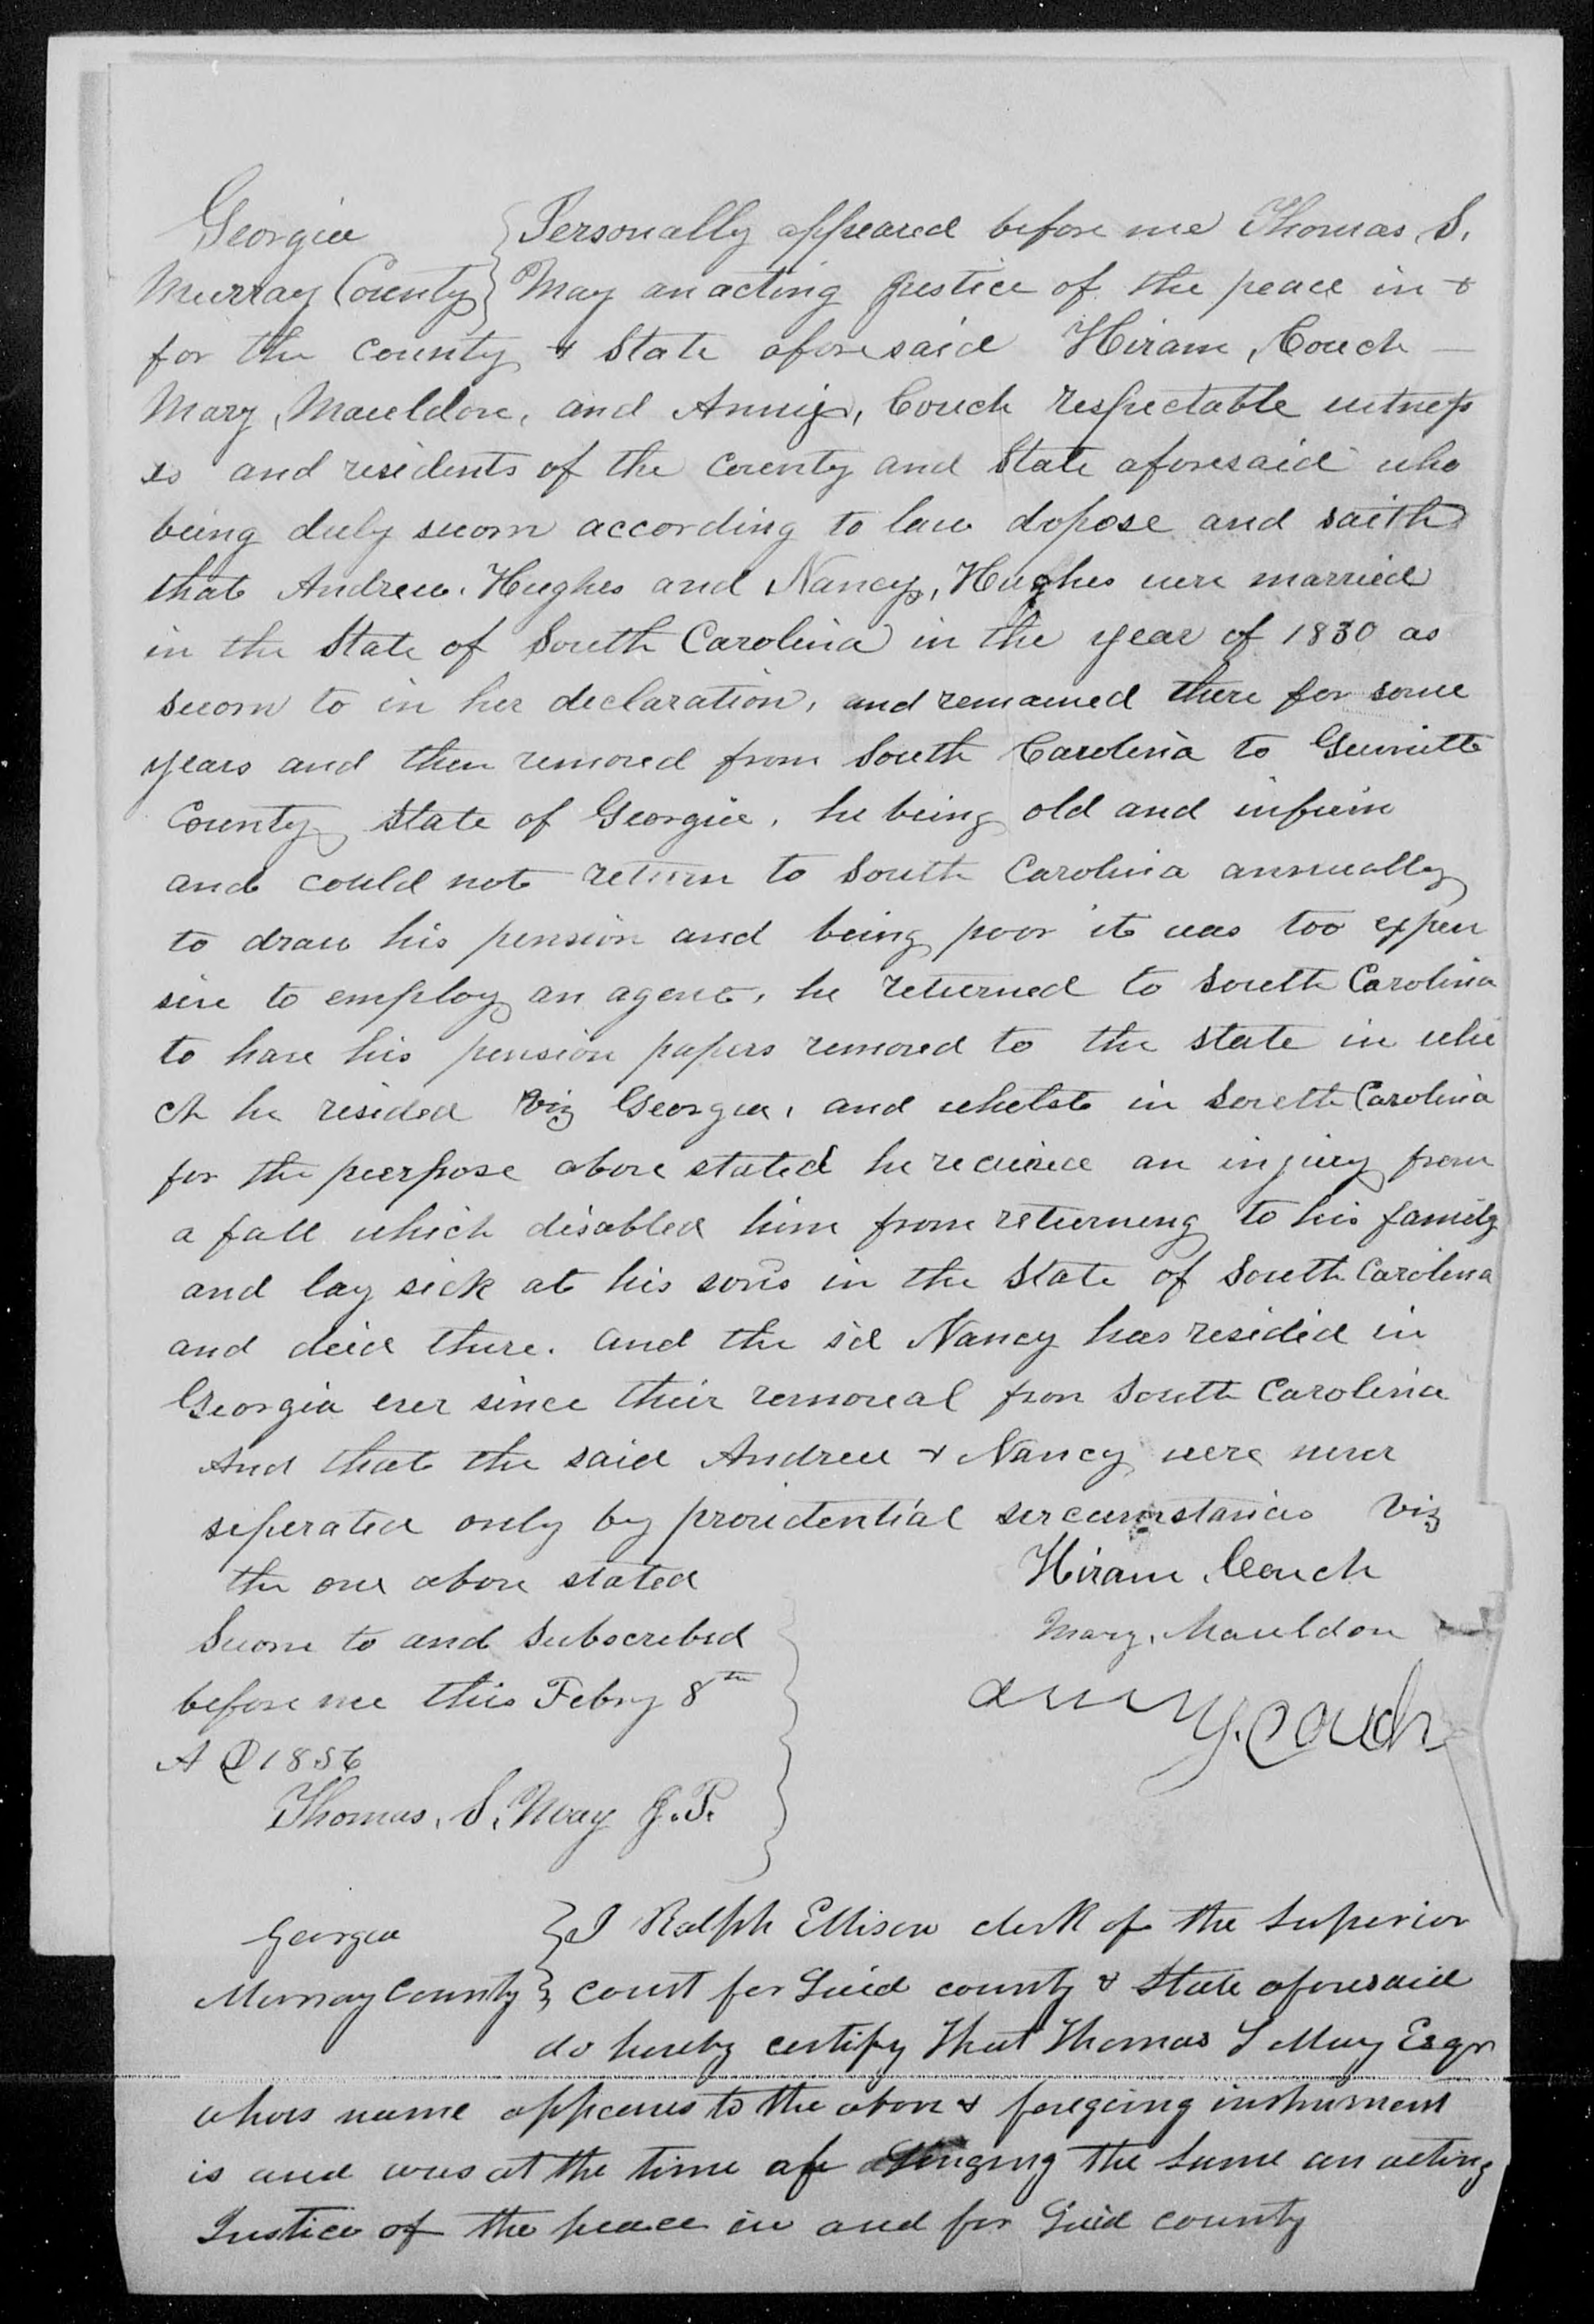Georgia Murray County] 

Personally appeared before me Thomas S. May an acting justic of the peace in and for the county and state  afore said Miram Couch, Mary Mauldon and Amy Couch respectable [illegible] to and residents of the county and state aforeside who being duly sumon according to law depose and saith that Andrew Hughes and Nancy Hughs were married in the state of South Carolina in the year of 1830 as [illegible] to in her delcaration, and remained there for some years and then [illegible]  from South Carolina to [illegble] county state of Georgia, he being old and [illegible] and could not return to South Carolina annually to draw his pension and being poor it was too expensive to emply an agent, he returned to South Carolina to have his pension papers removed to the state in which he resided [illegible] Georgia, and settked in South Carolina for the purpose above stated he recieved an injury from a fall which disabled him from returning to his family andlay sick at his sons in the State of South Carolina and died there, and the [illegible] Nancy has resided in Georgia ever since their removal from South Carolina and thats the said Andrew and Nancy were never seperated only my providental ser circumstances viz the once above states. 

{Said to and scribed               Miram Couch                
before me this Febry 8th        Mary Mauldron
A.Q. 1856                                 Amy Couch
Thomas, S May J.P}

{Georgia                      
[illegible] County}

I Randoph Ellison clerk of the superior court for [illegible] county and state of foresaid do hereby certify that Thomas Lelluy Esqr whose name appears to the above and foregoing insburment is and was at the time of time an writing justice of he peace in  and for [illegible] county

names: Mary Mauldon, Nancy Hughes, Ralph Ellison, Hiram Couch, Anny Couch, Andrew Hughes, Thomas S May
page: 52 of 75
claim: widow's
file: W. 25805, Andrew Hughes, N.C.